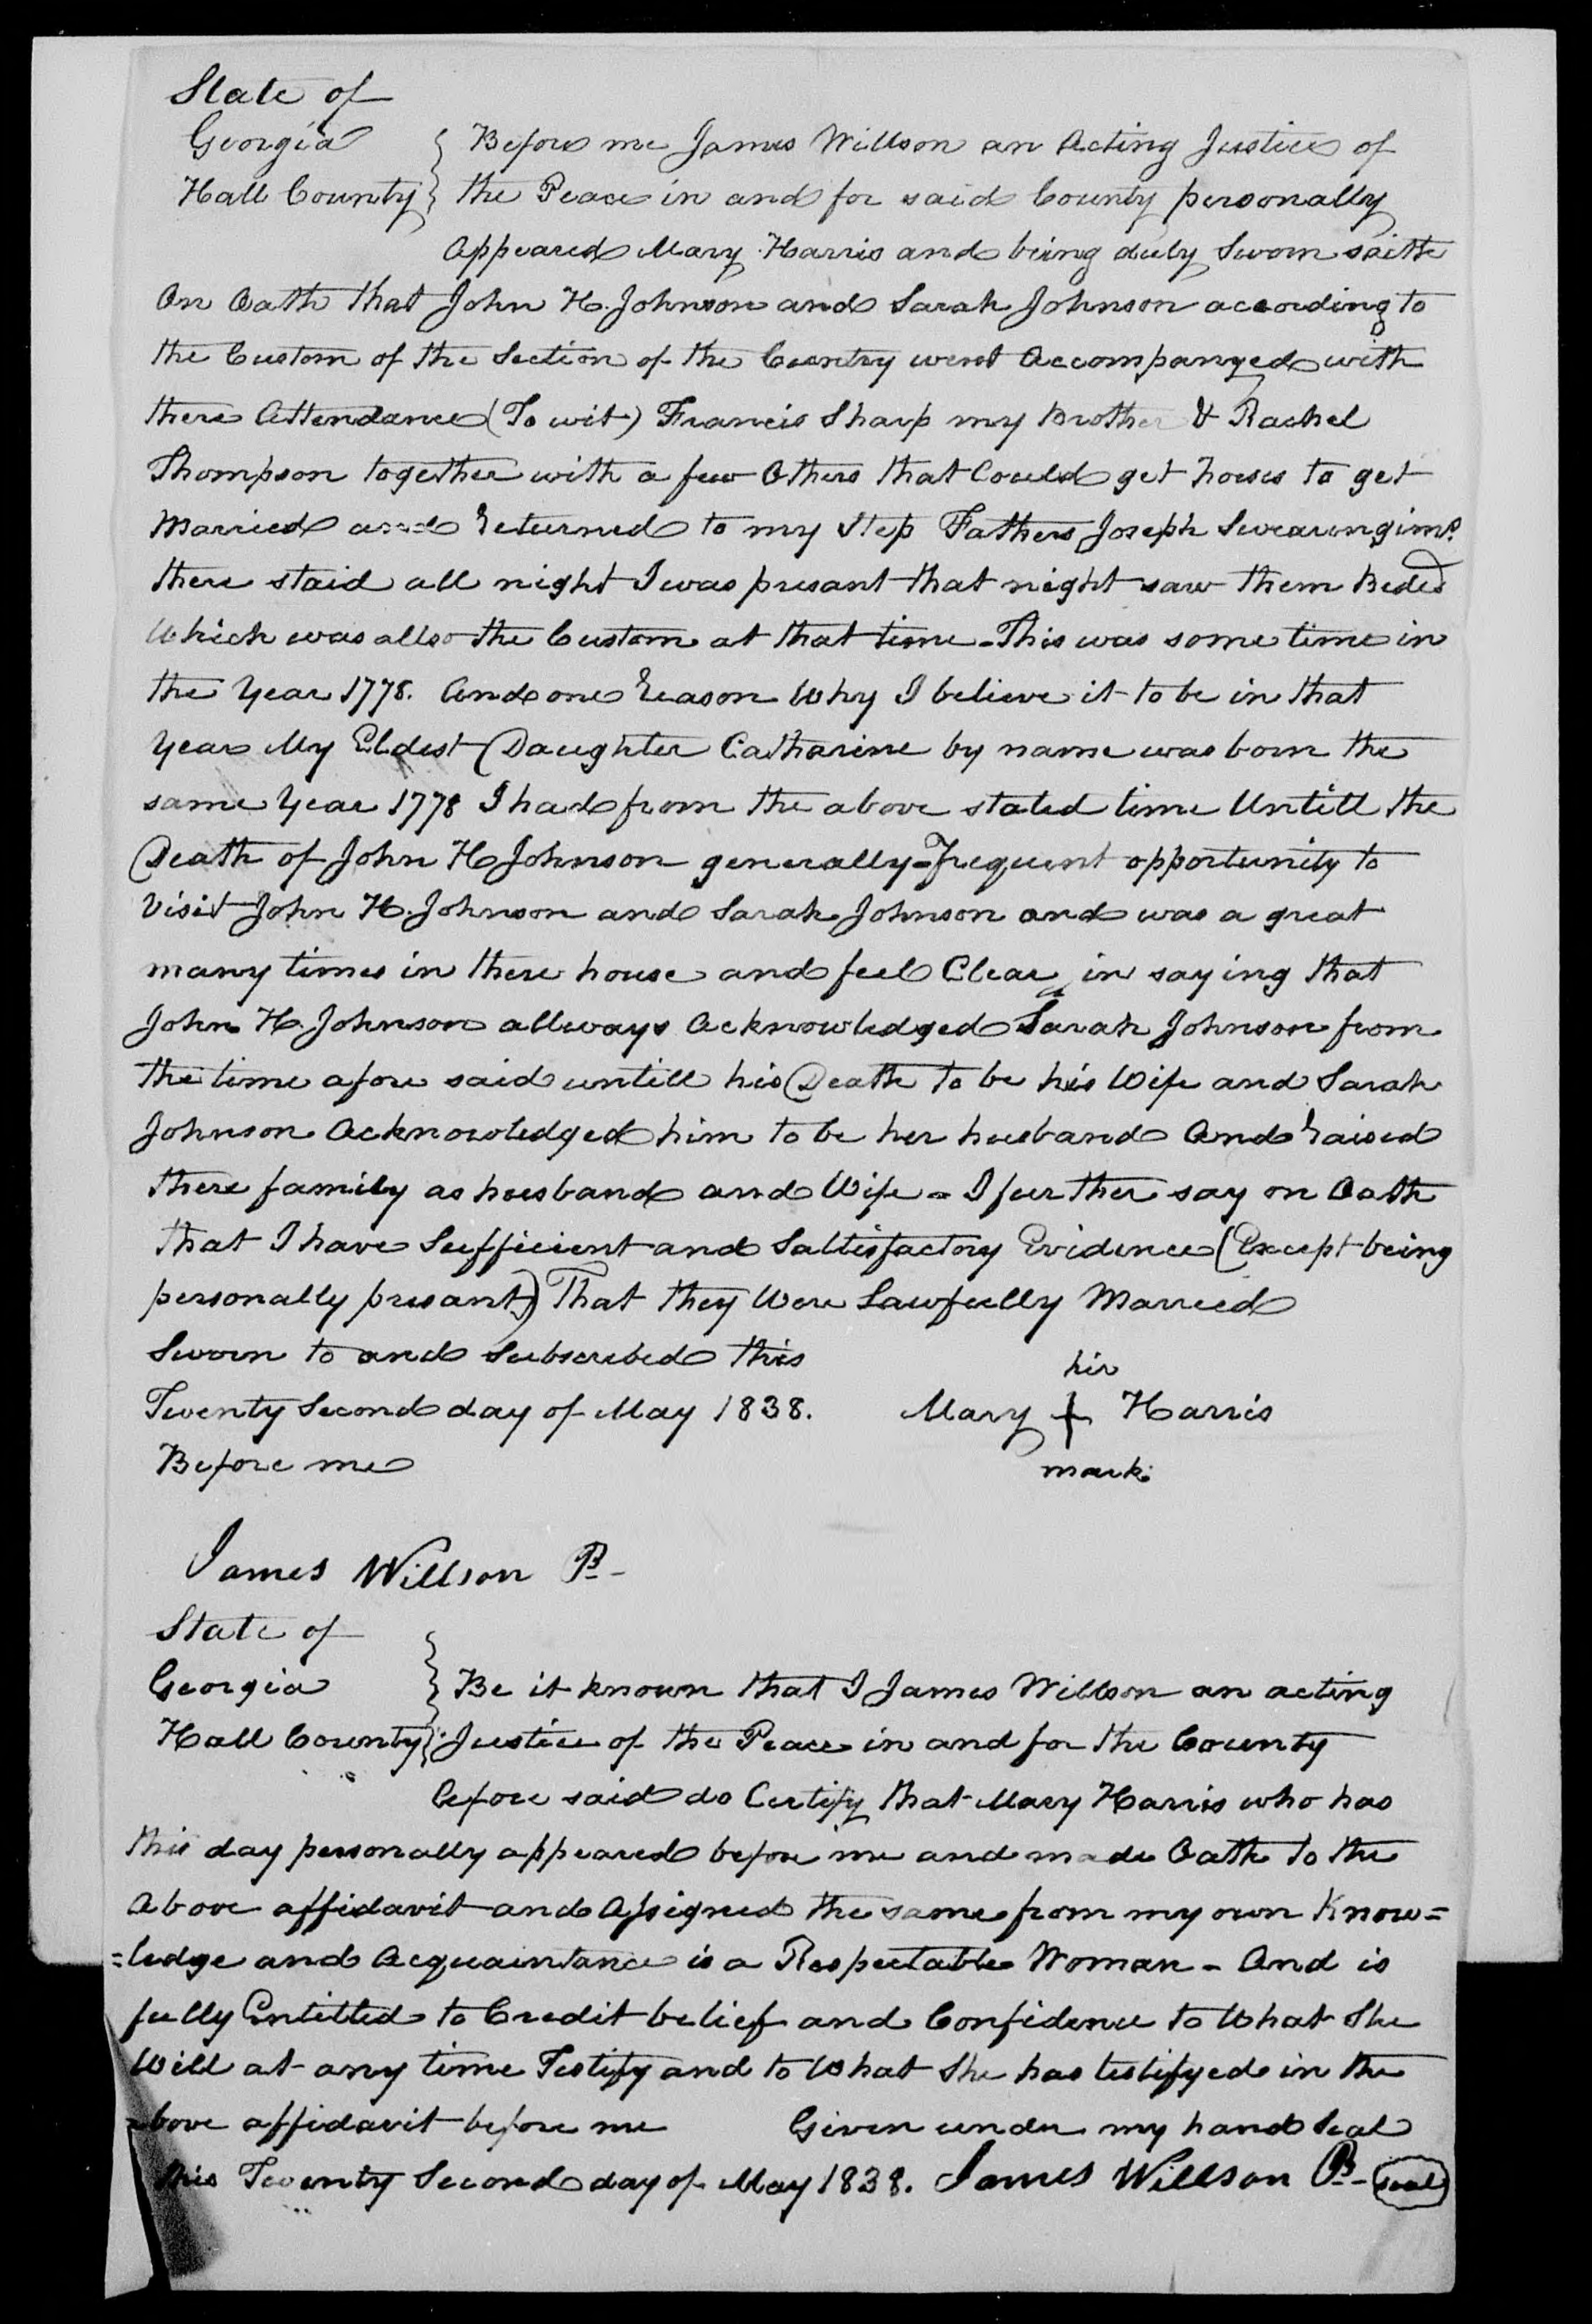State of Georgia
Hall County
Before me James Wilson an acting Justice of
the Peace in and for said county personally
appeared Mary Harris and being duly sworn (illegible)
an oath that John H. Johnson and Sarah Johnson according to
the custom of the section of the country went accompanied with 
there attendance (to wit) Francis Sharp my brother & Rachel
Thompson together with a few others that could get horses to get
married and returned to my Step Fathers Joseph swearing in.
There staid all night I was present that night saw them beded
Which was also the custom at that time.  This was sometime in
the year 1778. And one reason why I believe it to be in that 
year my eldest daughter Catherine by name was born the
same year 1778 I had from the above stated time until the
Death of John H Johnson generally Frequent opportunity to
visit John H Johnson and Sarah Johnson and was a great
many times in there house and feel clear in saying that
John H Johnson allways ackowledged Sarah 
Johnson from
the time afore said untill his Death to be his Wife and Sarah
Johnson acknowledged him to be her husband and raised
there family as husband and wife. I further say on oath
that I have Suffucient and Sattisfactory Evidence (Accept being
personally present) That they were Lawfully Married
Sworn to and Subscribed this
Twenty Second day of May 1838
Before me
Mary (cross mark) Harris
hir mark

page: 17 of 26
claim: widow's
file: W. 4464, for John H Johnson, Georgia